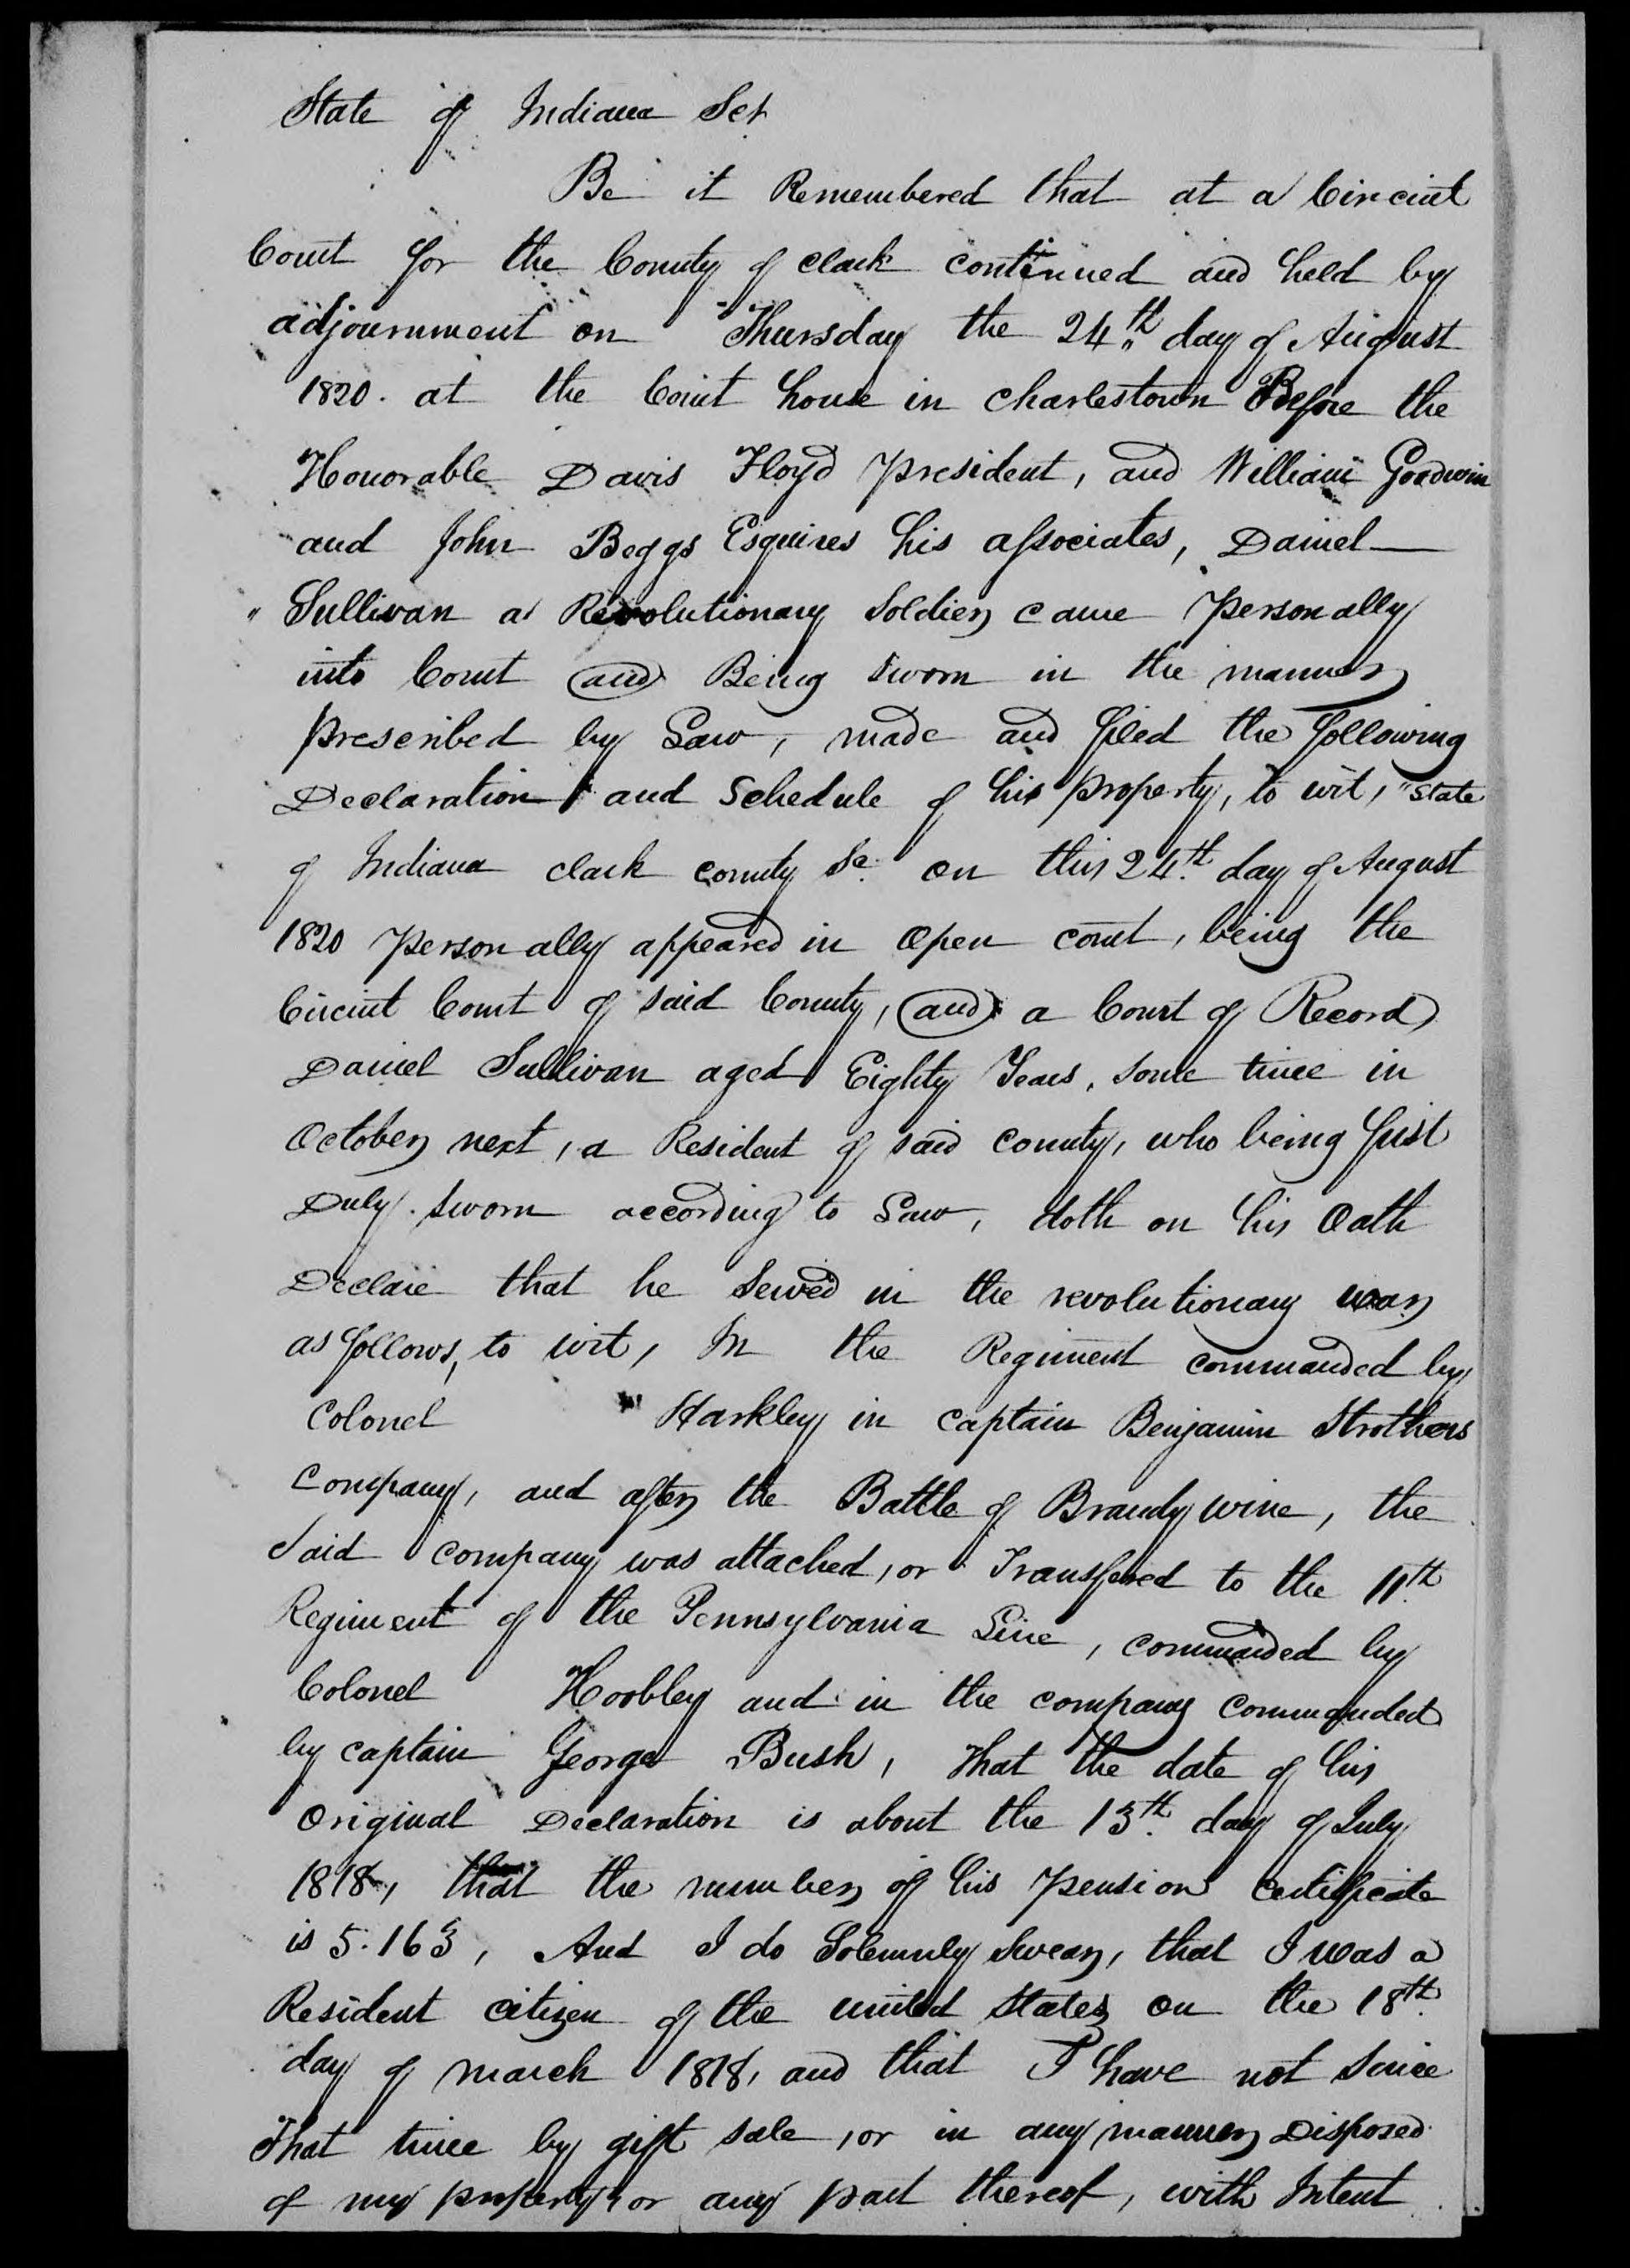State of Indiana Sct
Be it Remembered that at a Circuit Court for the County of Clark continued and held by adjournment on Thursday the 24th day of August 1820. at the Court house in Charlestown before the Honorable David Floyd president, and William Goodwin and John Beggs Esquires his associates, Daniel Sullivan a Revolutionary Soldier came personally into Court and Being sworn in the manner prescribed by Law, made and filed the following Declaration and  Schedule of his property, to wit, "State of Indiana, Clark County Sc. on this 24th day of August 1820 personally appeared in Open Court, being the Circuit Court of said County, and a Court of Record, Daniel Sullivan aged eighty years, some time in October next, a Resident of said County, who being first Duly sworn according to law, doth on his Oath Declare that he Served in the revolutionary war as follows, to wit, in the Regiment Commanded by Colonel Harkley in Captain Benjamin Strothers Company, and after the Battle of Brandywine, the said Company was  attached, or Transfered to the 11th Regiment of the Pennsylvania Line, commanded by Colonel Hoobley and in the Company Commanded by Captain George Bush, that the date of his Original Declaration is about the 13th day  of July 1818, that the number of his pension Certificate is 5.163. And I do Solemnly swear, that I was a  Resident Citizen of the United States on the 18th day of March 1818, and that I have not since that time by gift sale, or in any manner disposed of my property or any part thereof, with Intent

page: 8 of 78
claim: widow's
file: W. 25,169, for Daniel Sullivan, Maryland